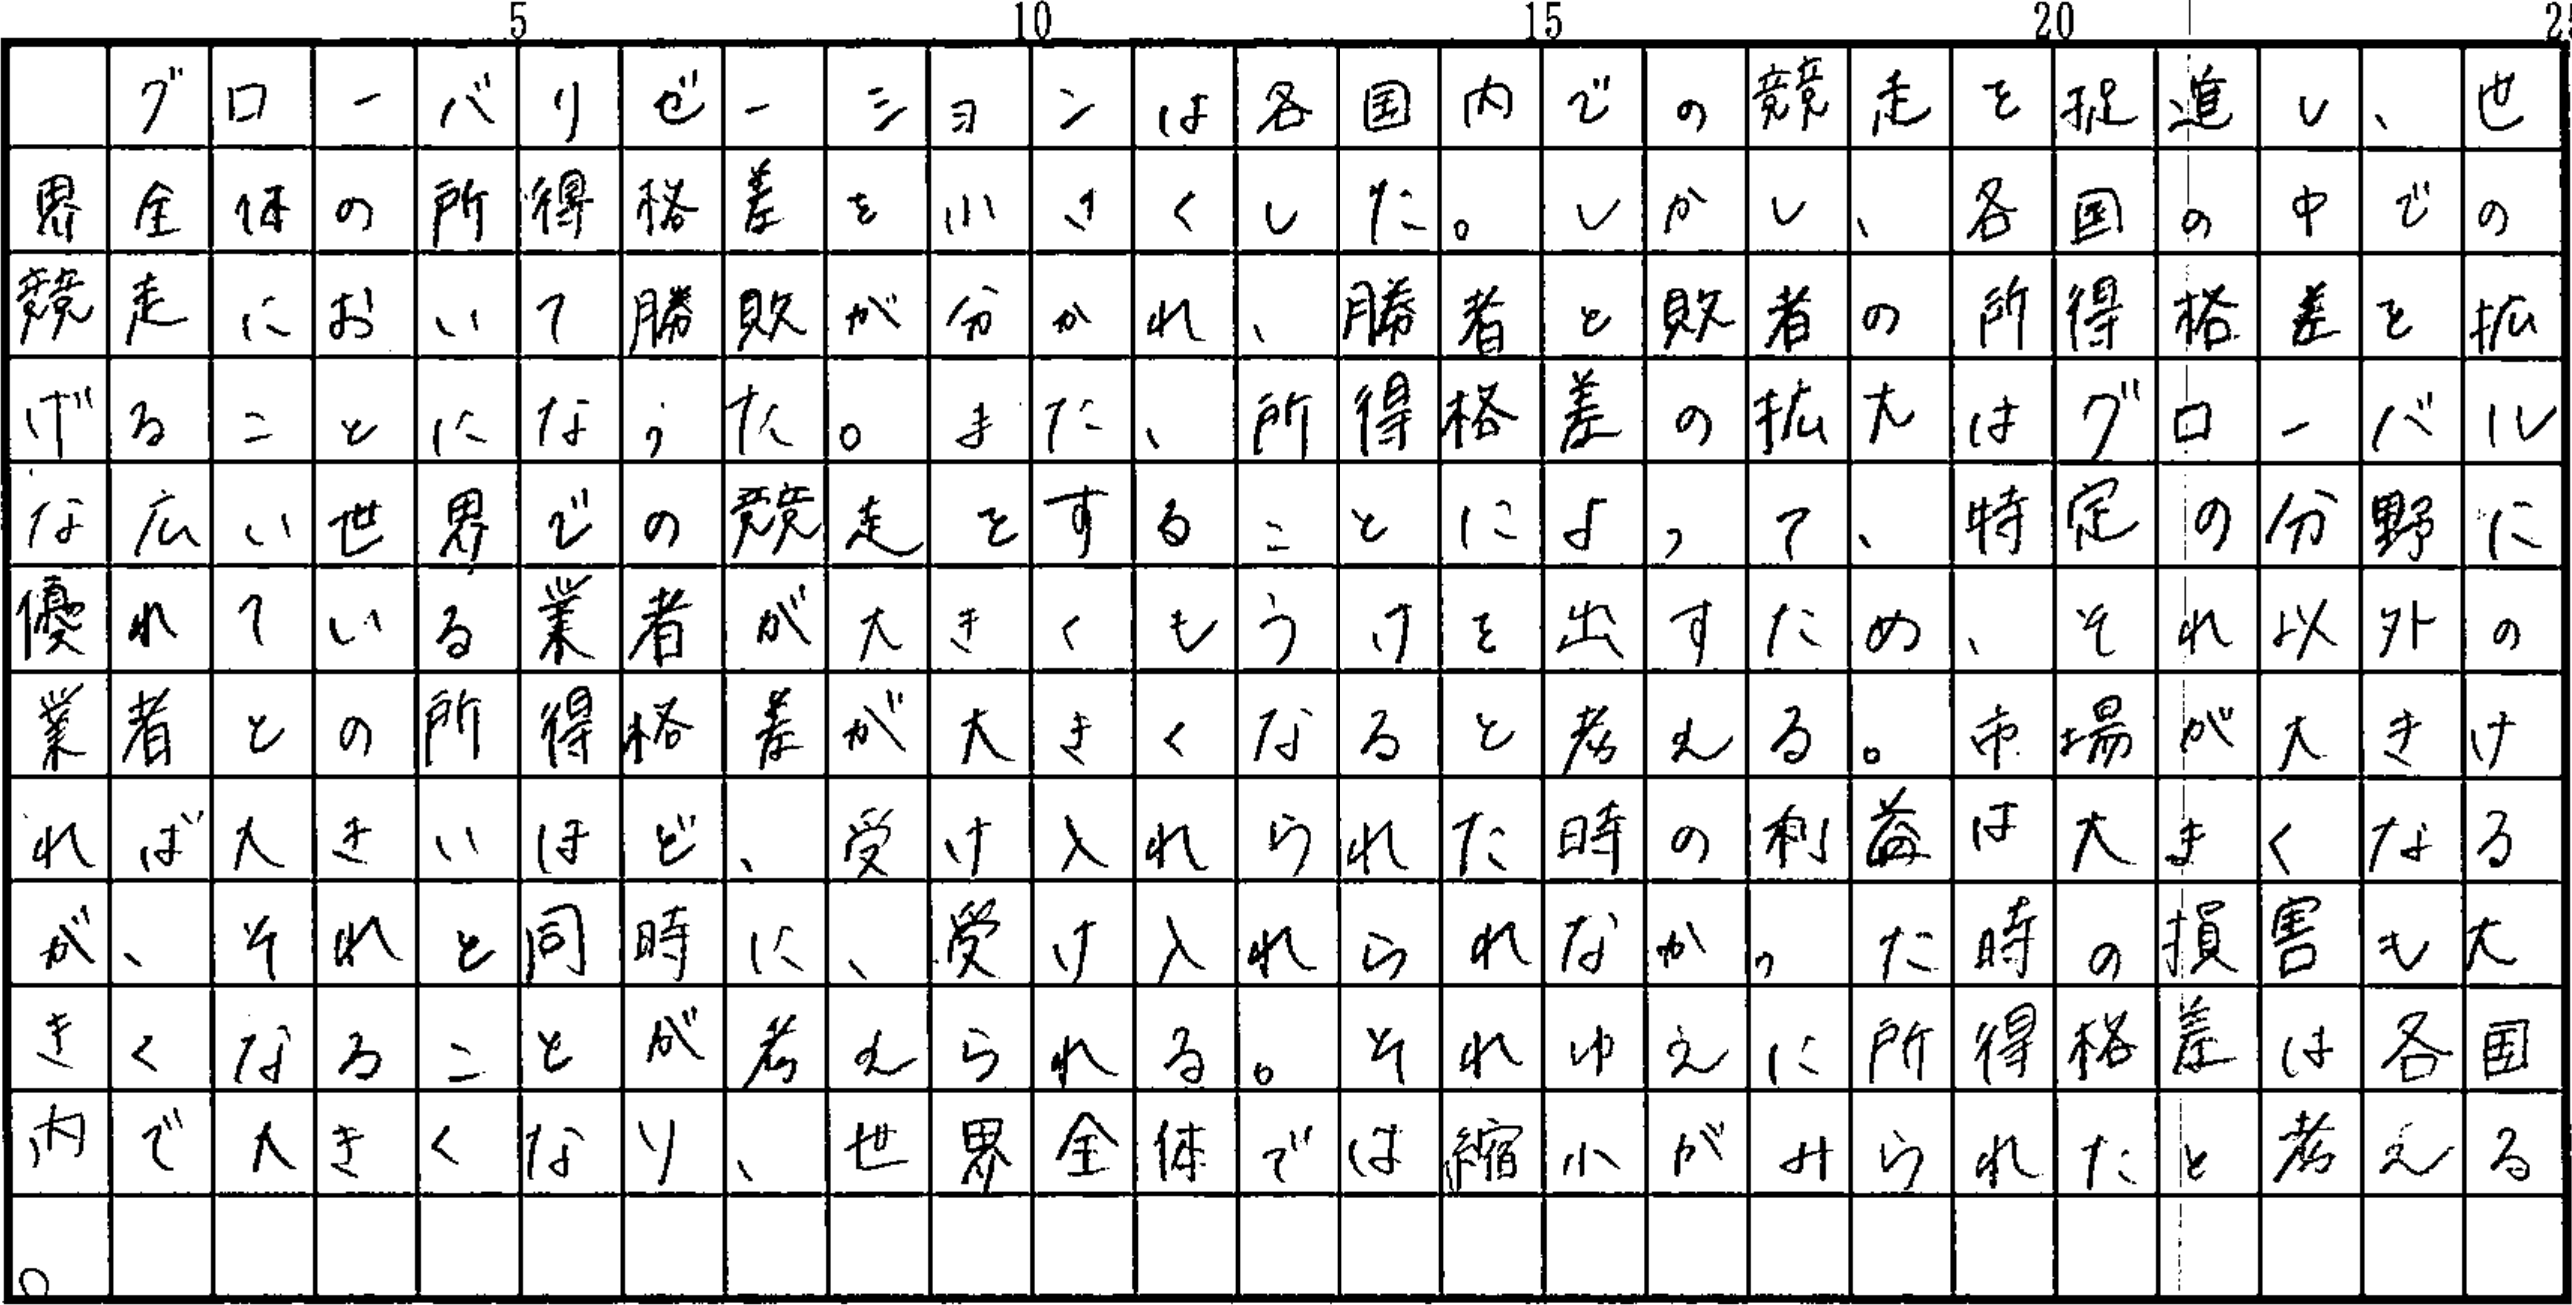　グローバリゼーションは各国内での競走を捉進し、世界全体の所得格差を小さくした。しかし、各国の中での競走において勝敗が分かれ、勝者と敗者の所得格差を拡げることになった。また、所得格差の拡大はグローバルな広い世界での競走をすることによって、特定の分野に優れている業者が大きくもうけを出すため、それ以外の業者との所得格差が大きくなると考える。市場が大きければ大きいほど、受け入れられた時の利益は大きくなるが、それと同時に、受け入れられなかった時の損害も大きくなることが考えられる。それゆえに所得格差は各国内で大きくなり、世界全体では縮小がみられたと考える。
